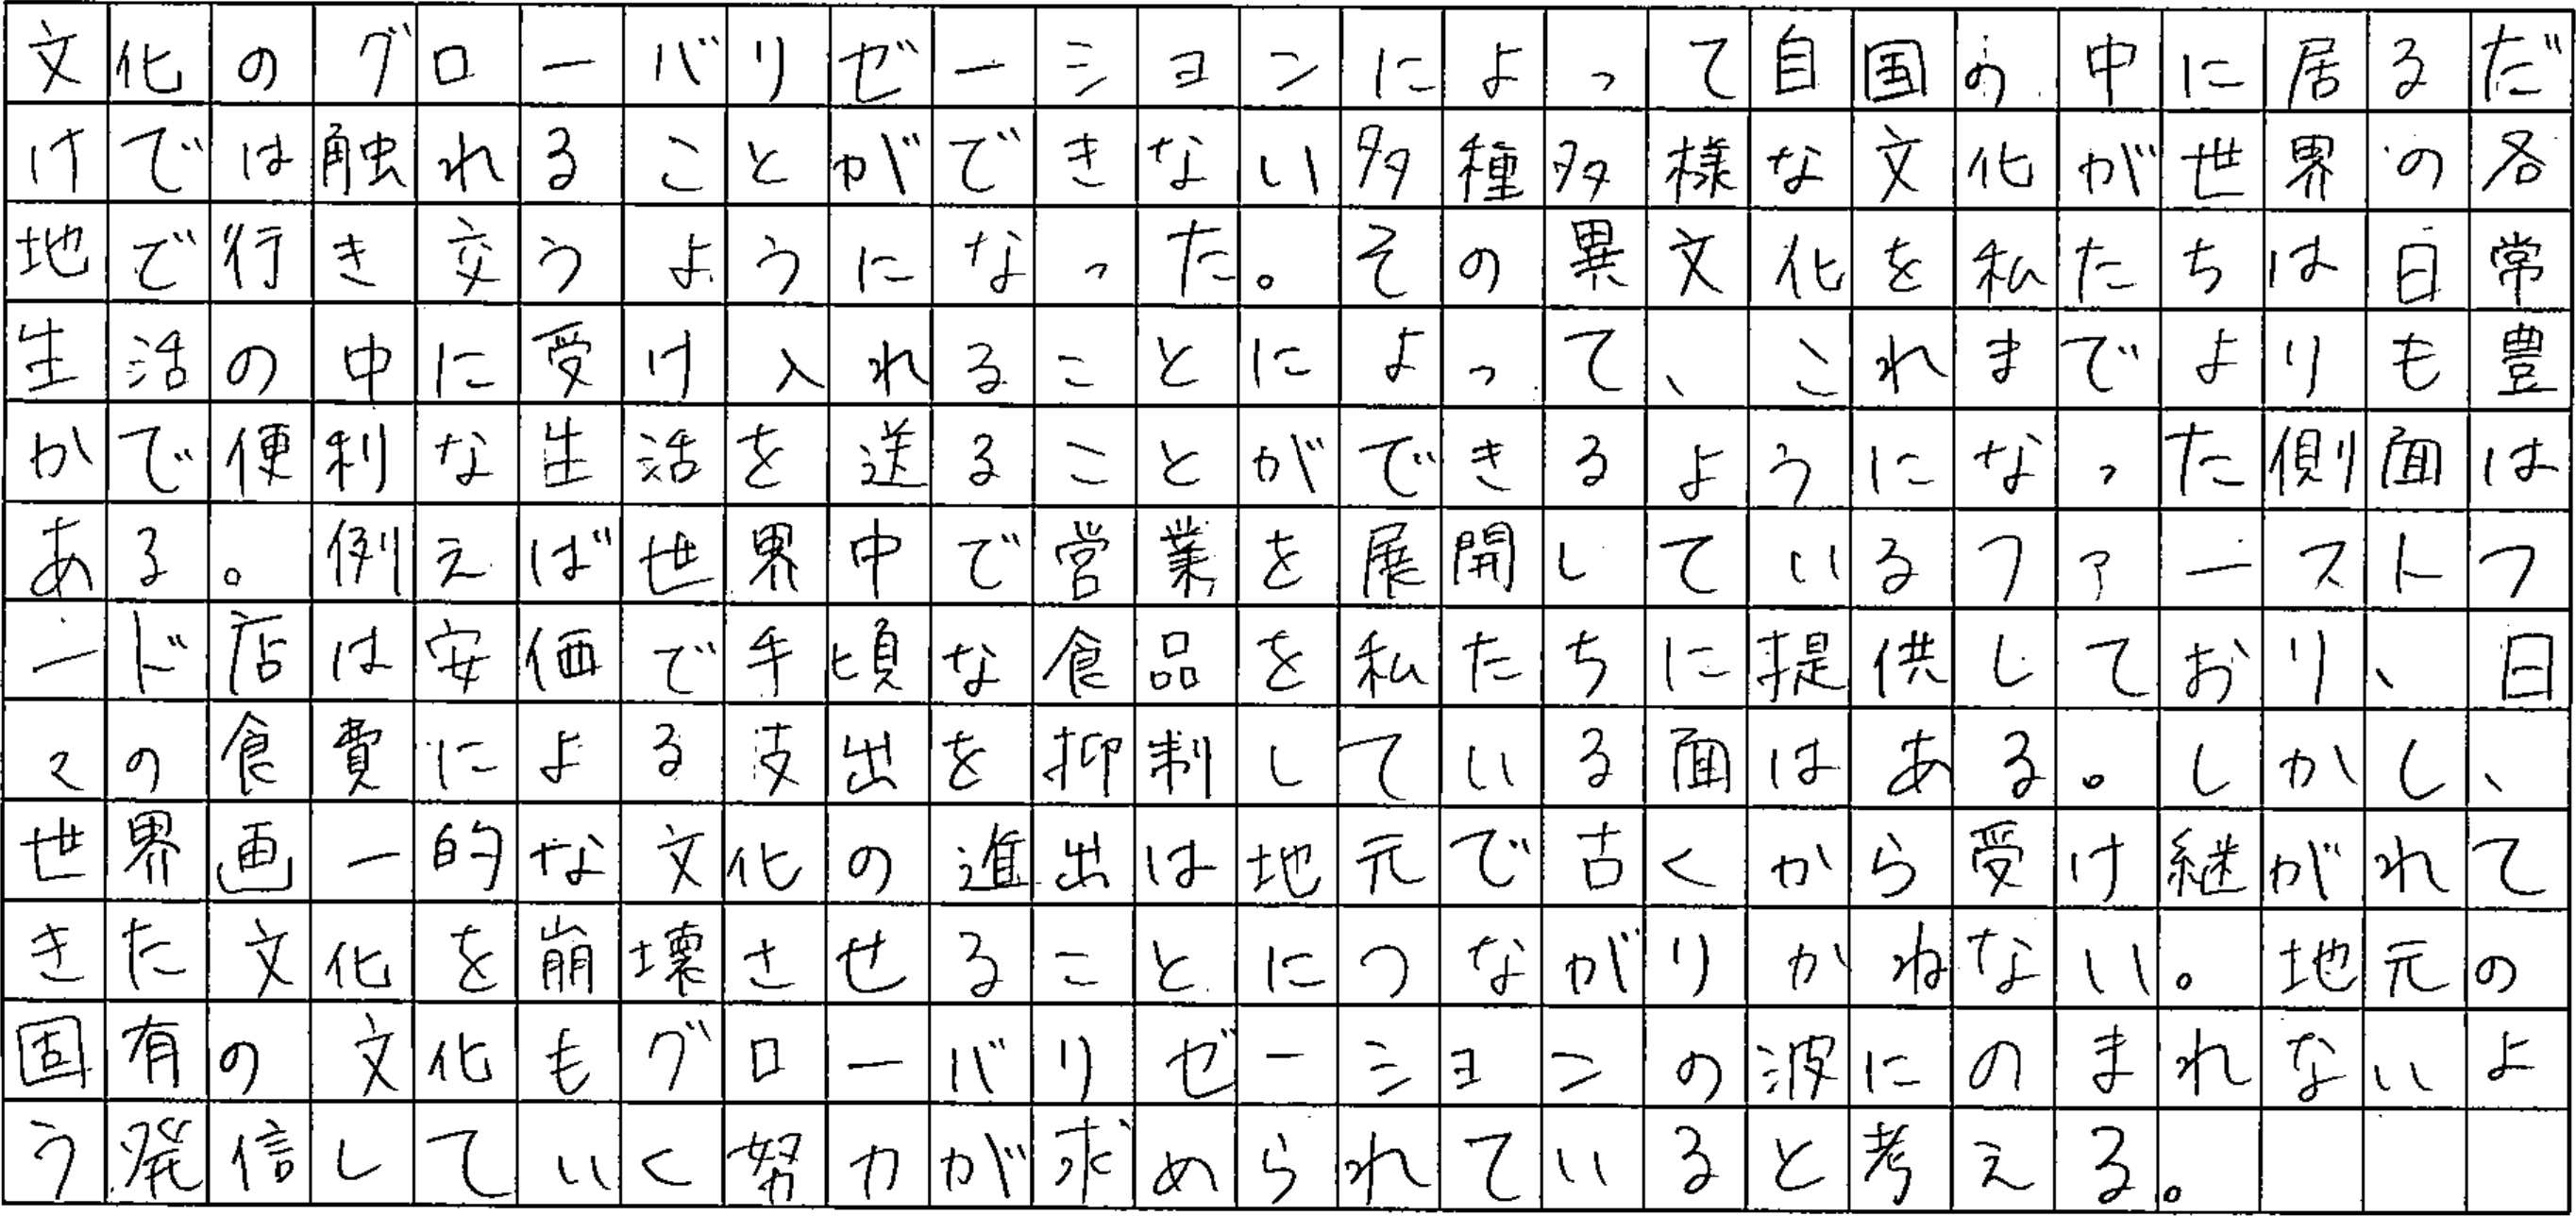文化のグローバリゼーションによって自国の中に居るだけでは触れることができない多種多様な文化が世界の各地で行き交うようになった。その異文化を私たちは日常生活の中に受け入れることによって、これまでよりも豊かで便利な生活を送ることができるようになった側面はある。例えば世界中で営業を展開しているファーストフード店は安価で手頃な食品を私たちに提供しており、日々の食費による支出を抑制している面はある。しかし、世界画一的な文化の進出は地元で古くから受け継がれてきた文化を崩壊させることにつながりかねない。地元の固有の文化もグローバリゼーションの波にのまれないよう発信していく努力が求められていると考える。
